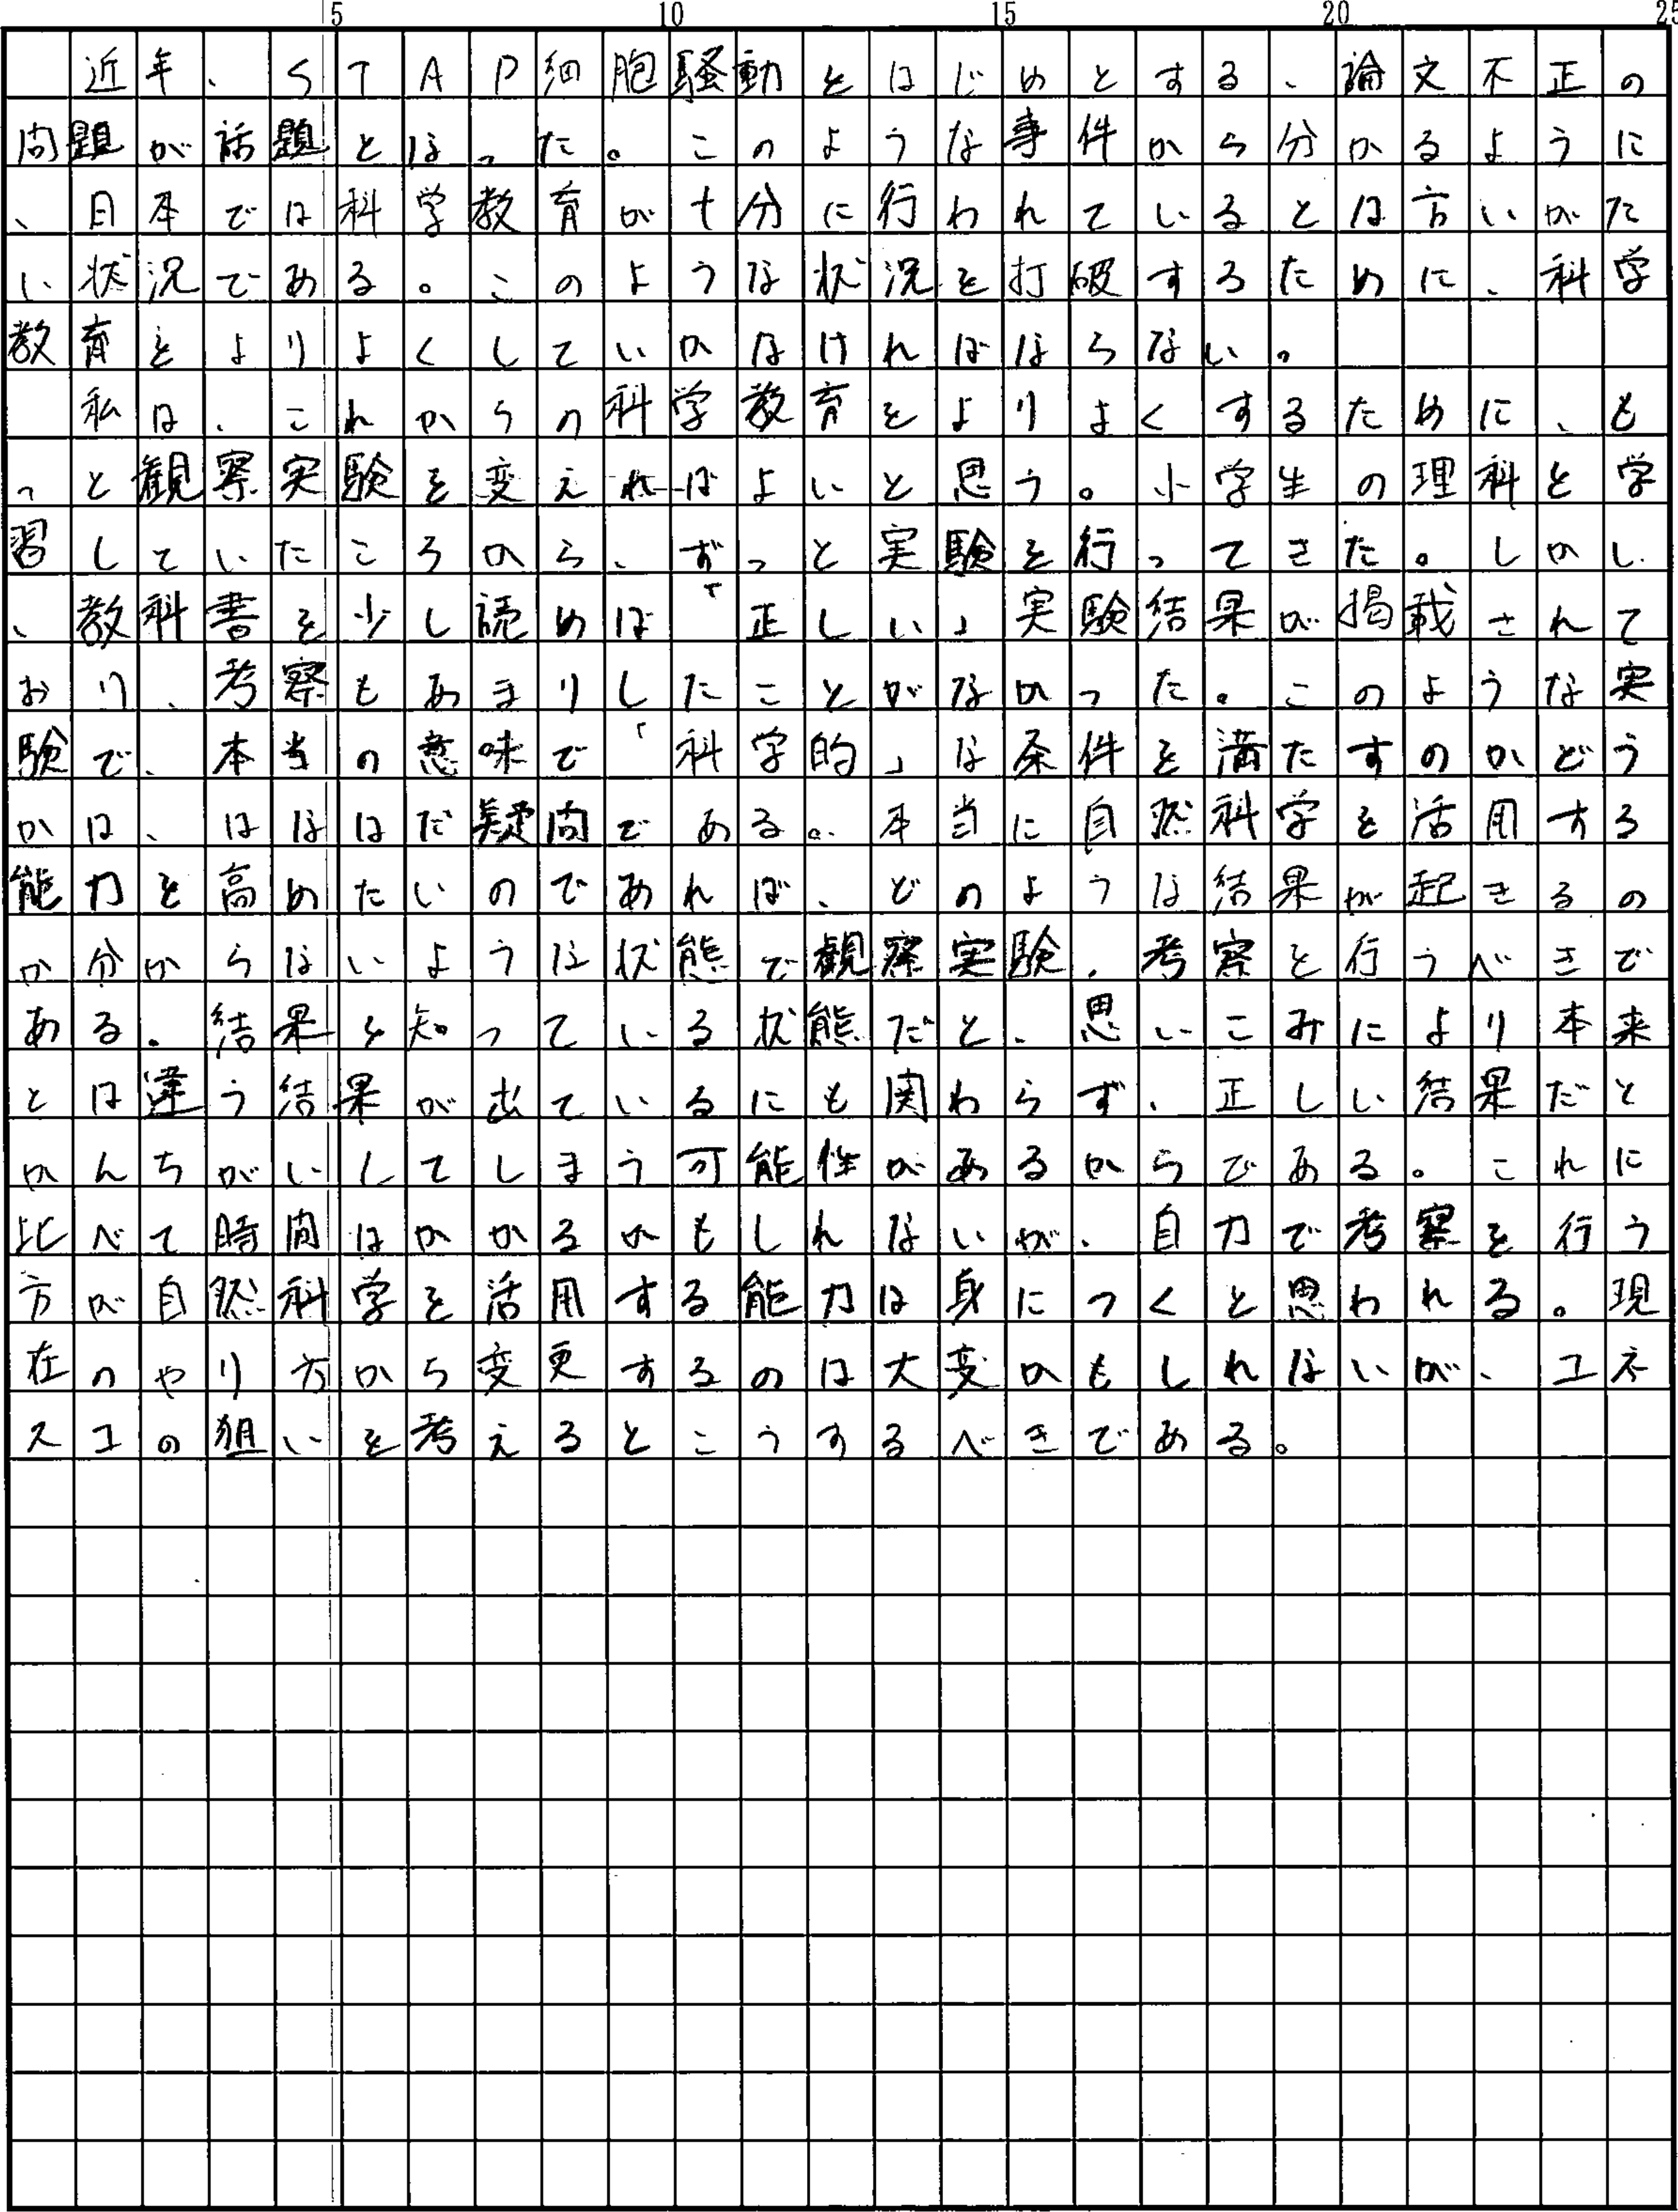　近年、ＳＴＡＰ細胞騒動をはじめとする、論文不正の問題が話題となった。このような事件から分かるように、日本では科学教育が十分に行われているとは言いがたい状況である。このような状況を打破するために、科学教育をよりよくしていかなければならない。
　私は、これからの科学教育をよりよくするために、もっと観察実験を変えればよいと思う。小学生の理科を学習していたころから、ずっと実験を行ってきた。しかし、教科書を少し読めば「正しい」実験結果が掲載されており、考察もあまりしたことがなかった。このような実験で、本当の意味で「科学的」な条件を満たすのかどうかは、はなはだ疑問である。本当に自然科学を活用する能力を高めたいのであれば、どのような結果が起きるのか分からないような状態で観察実験、考察を行うべきである。結果を知っている状態だと、思いこみにより本来とは違う結果が出ているにも関わらず、正しい結果だとかんちがいしてしまう可能性があるからである。これに比べて時間はかかるかもしれないが、自力で考察を行う方が自然科学を活用する能力は身につくと思われる。現在のやり方から変更するのは大変かもしれないが、ユネスコの狙いを考えるとこうするべきである。
